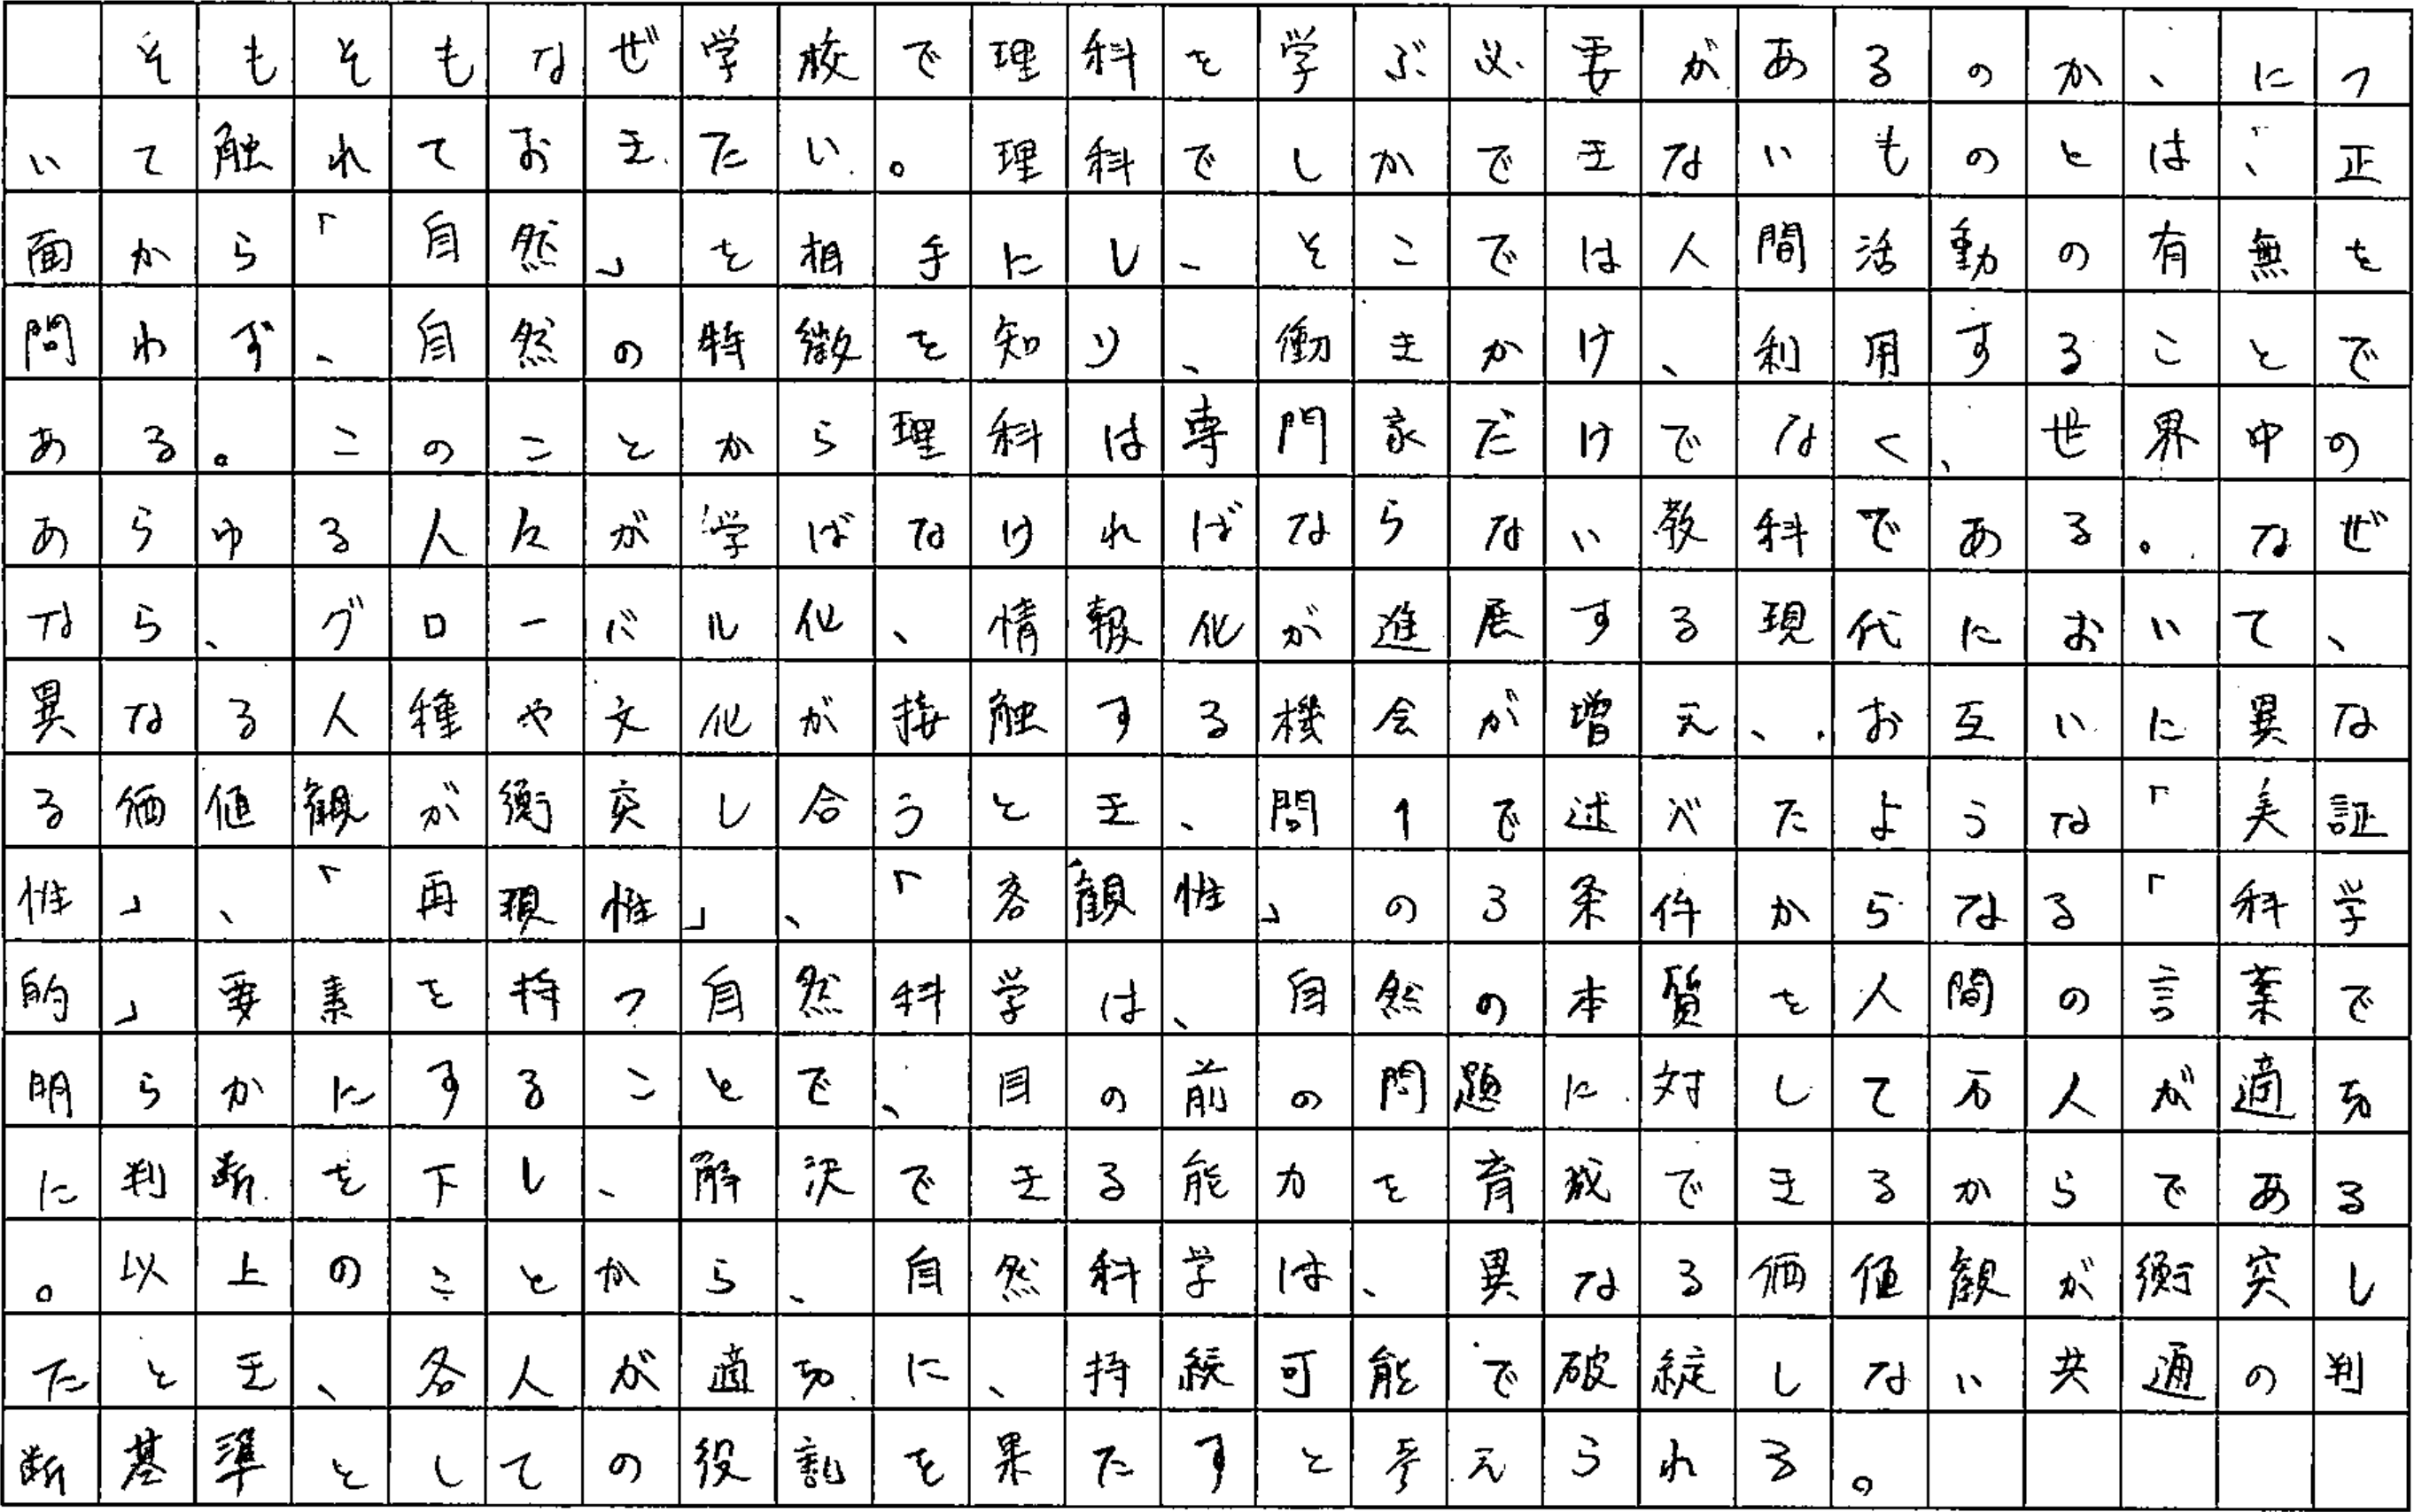　そもそもなぜ学校で理科を学ぶ必要があるのか、について触れておきたい。理科でしかできないものとは、正面から「自然」を相手にし、そこでは人間活動の有無を問わず、自然の特徴を知り、働きかけ、利用することである。このことから理科は専門家だけでなく、世界中のあらゆる人々が学ばなければならない教科である。なぜなら、グローバル化、情報化が進展する現代において、異なる人種や文化が接触する機会が増え、お互いに異なる価値観が衡突し合うとき、問１で述べたような「実証性」、「再現性」、「客観性」の３条件からなる「科学的」要素を持つ自然科学は、自然の本質を人間の言葉で明らかにすることで、目の前の問題に対して万人が適切に判断を下し、解決できる能力を育成できるからである。以上のことから、自然科学は、異なる価値観が衡突したとき、各人が適切に、持続可能で破綻しない共通の判断基準としての役割を果たすと考えられる。
